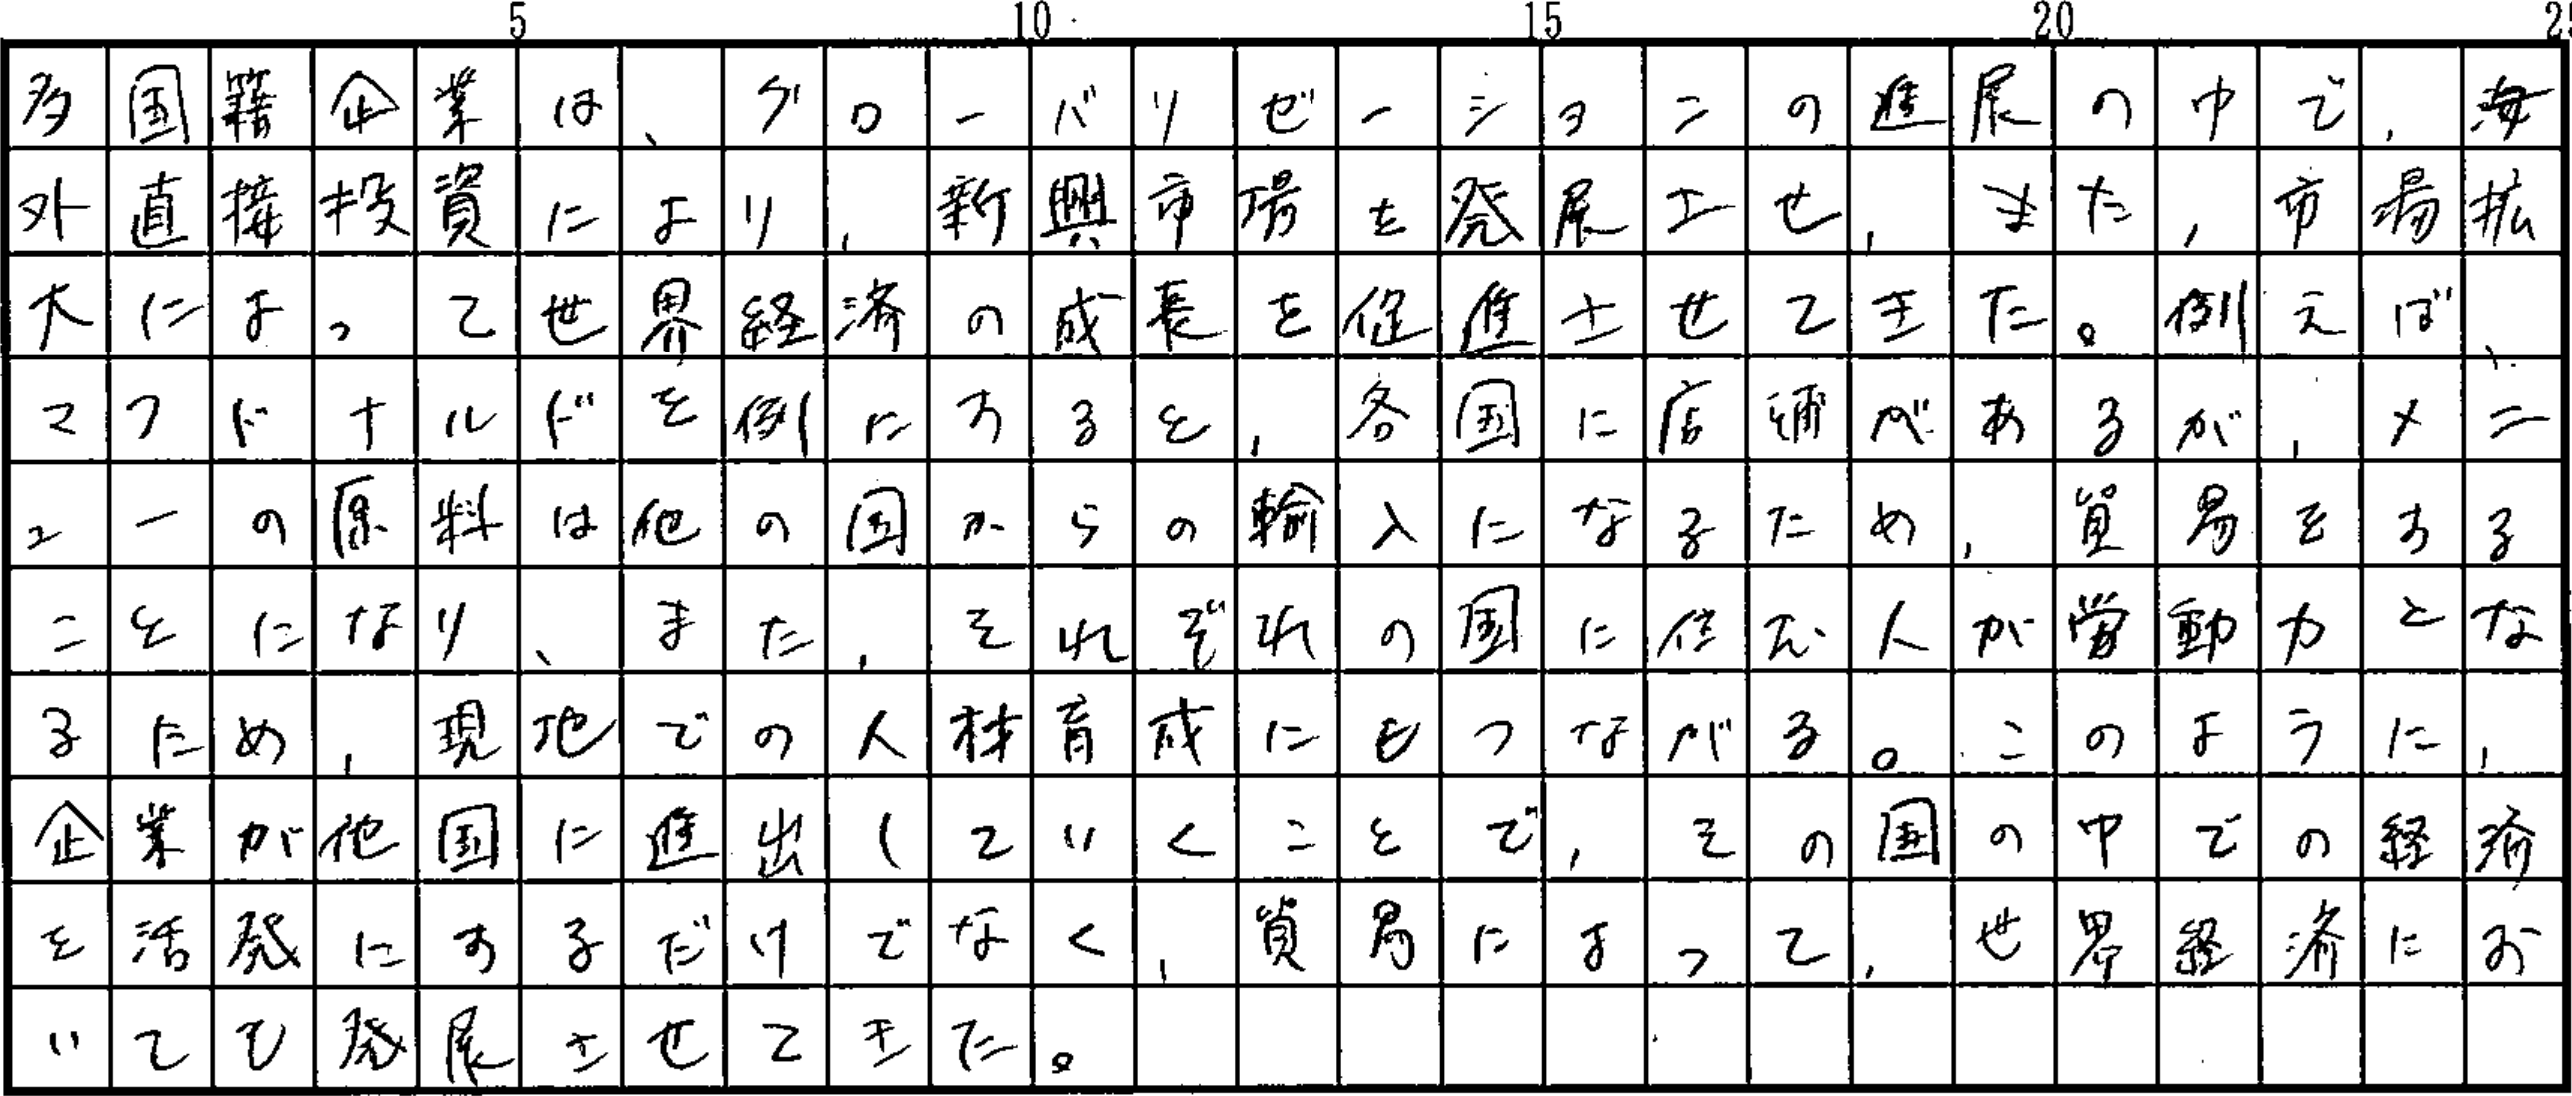多国籍企業は、グローバリゼーションの進展の中で、海外直接投資により、新興市場を発展させ、また、市場拡大によって世界経済の成長を促進させてきた。例えば、マクドナルドを例にすると、各国に店▁があるが、メニューの原料は他の国からの輸入になるため、貿易をすることになり、また、それぞれの国に住む人が労動力となるため、現地での人材育成にもつながる。このように、企業が他国に進出していくことで、その国の中での経済を活発にするだけでなく、貿易によって、世界経済においても発展させてきた。
